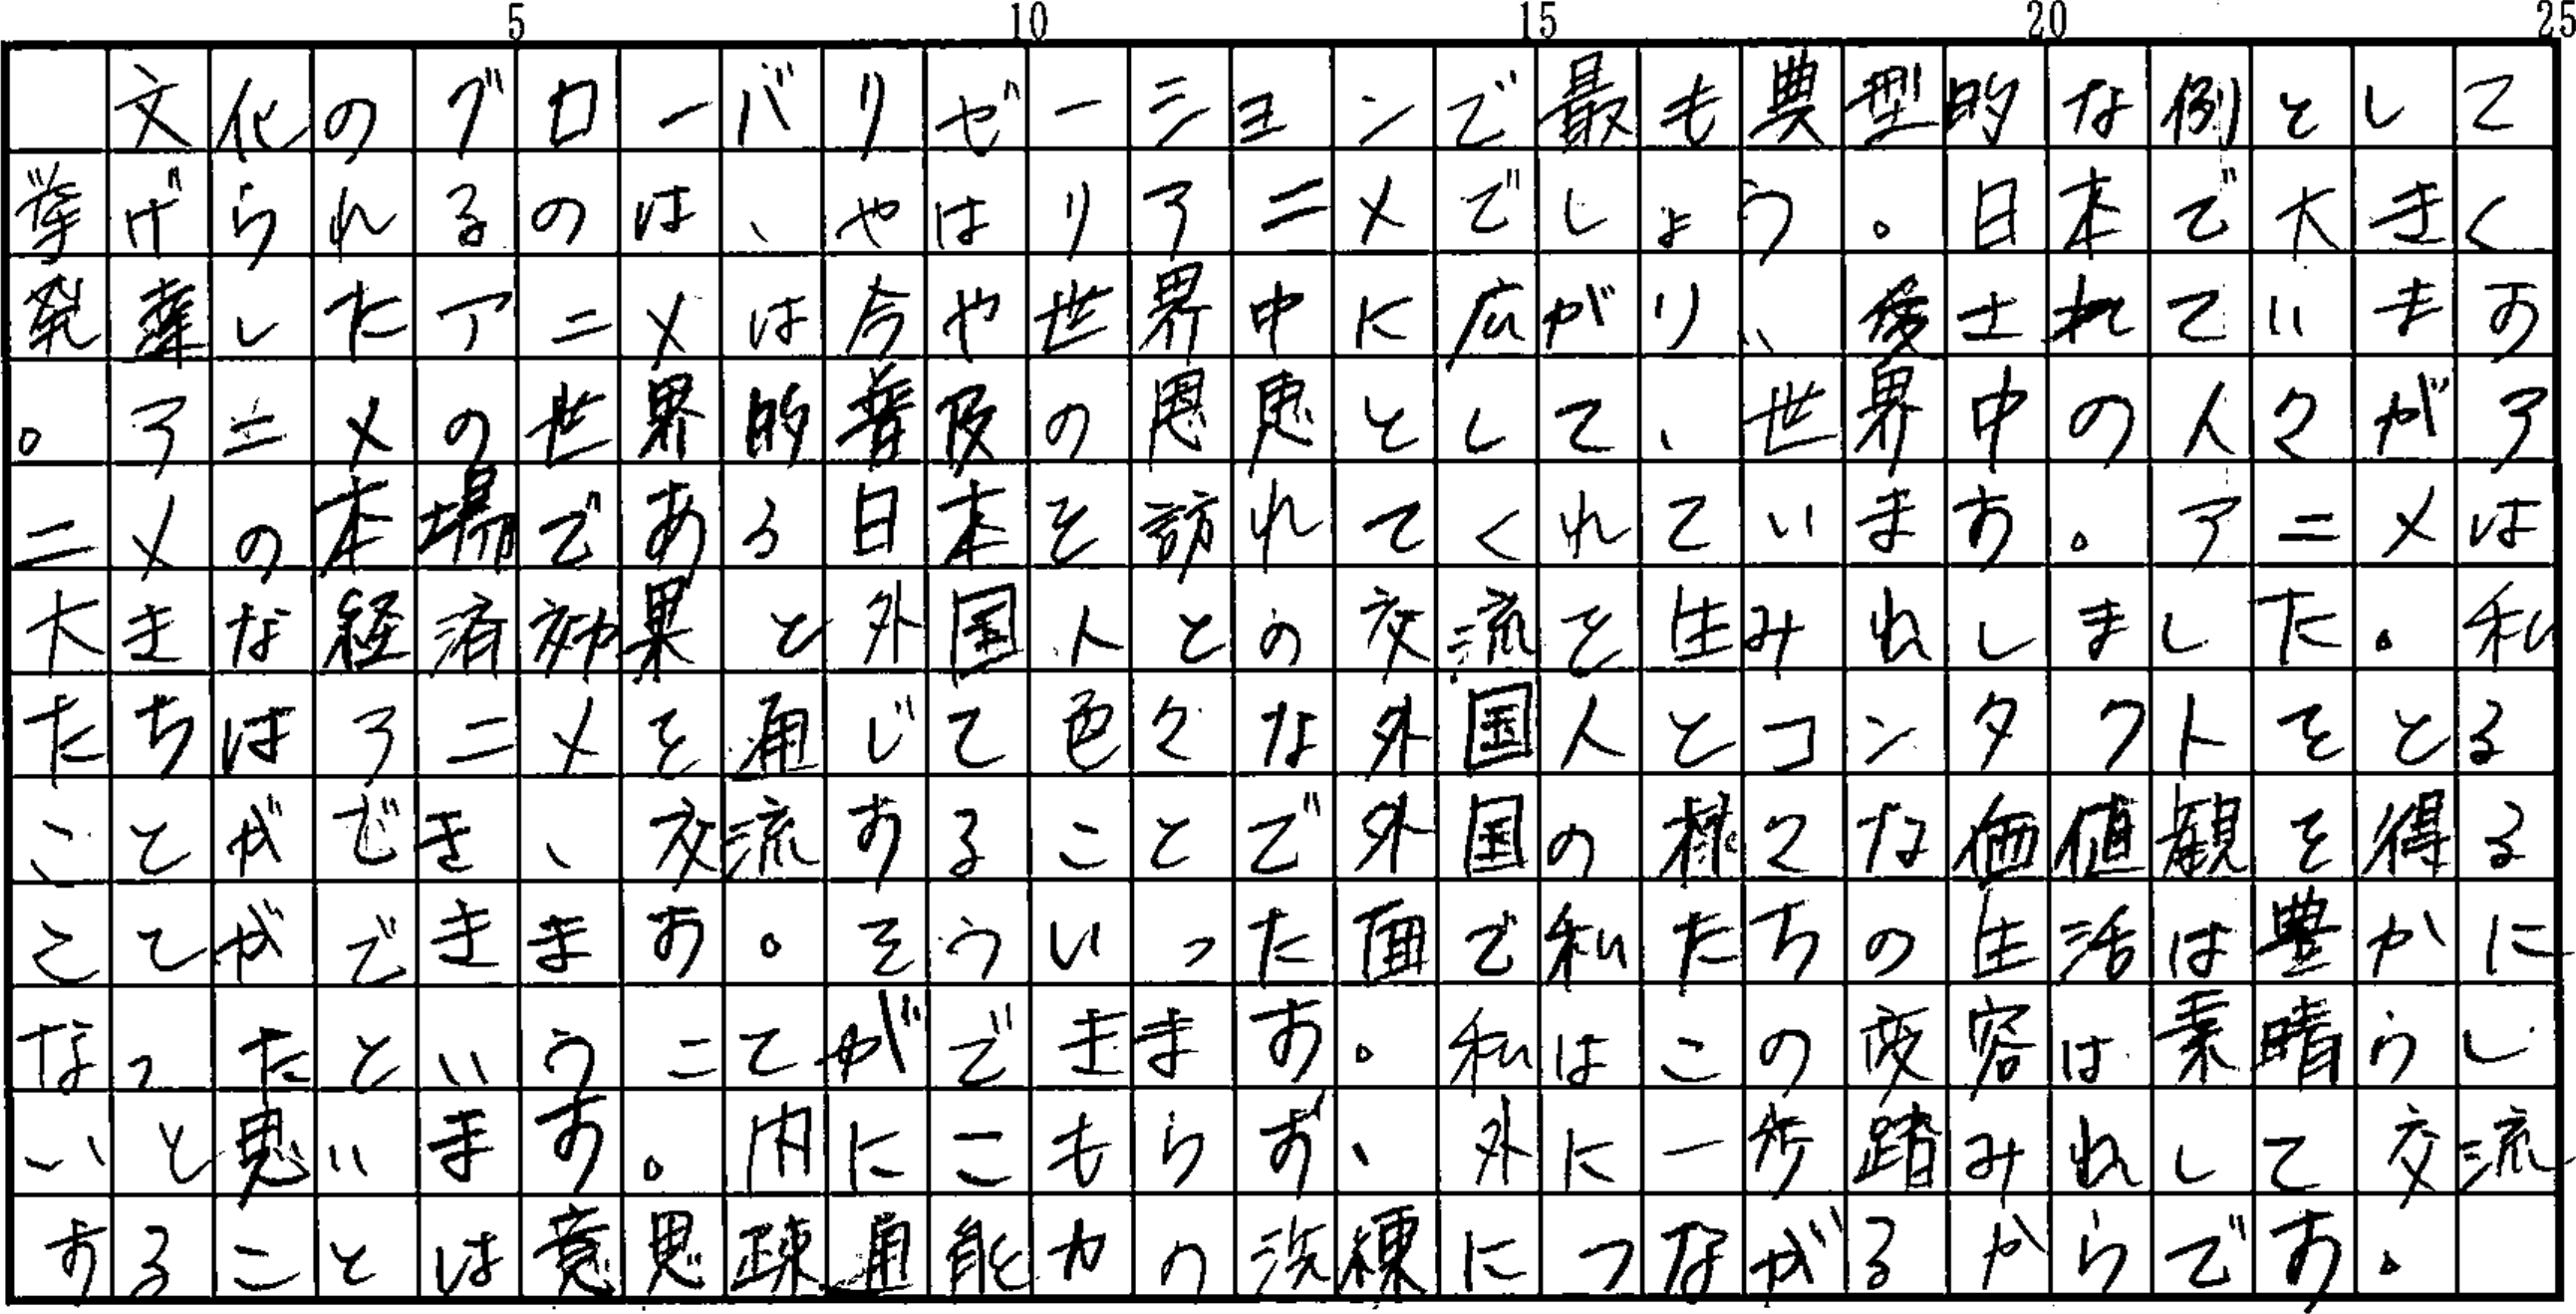　文化のグローバリゼーションで最も典型的な例として挙げられるのは、やはりアニメでしょう。日本で大きく発達したアニメは今や世界中に広がり、愛されています。アニメの世界的普及の恩恵として、世界中の人々がアニメの本場である日本を訪れてくれています。アニメは大きな経済効果と外国人との交流を生み出しました。私たちはアニメを通じて色々な外国人とコンタクトをとることができ、交流することで外国の様々な価値観を得ることができます。そういった面で私たちの生活は豊かになったということができます。私はこの変容は素晴らしいと思います。内にこもらず、外に一歩踏み出して交流することは意思疎通能力の洗練につながるからです。
